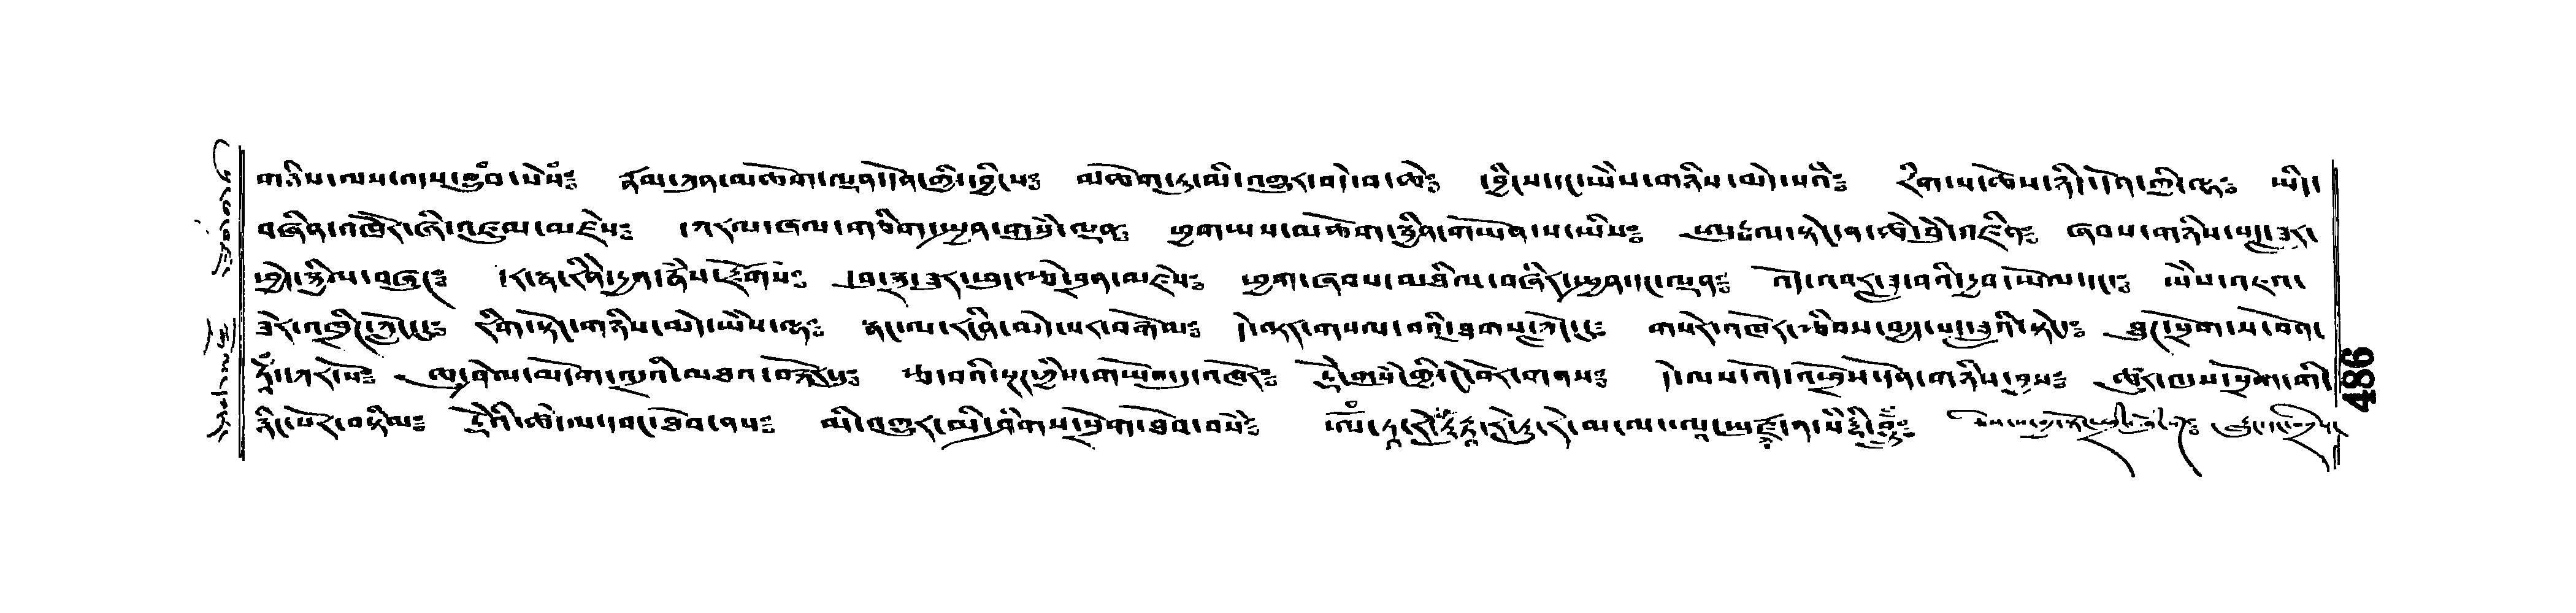གཉིས་ལས་འདས་བྱང་ཆུབ་སེམས༔ རྣམ་ཀུན་མཆོག་ལྡན་དོན་གྱི་དབྱིངས༔ མཆོག་ཏུ་མི་འགྱུར་བདེ་བ་ཆེ༔ དབྱིངས་དང་ཡེ་ཤེས་གཉིས་མེད་པའི༔ རིག་པ་ཆོས་ཉིད་དོན་གྱི་ལྷ༔ ཡིད་
བཞིན་འཁོར་ལོ་ཞི་འཛུམ་མཛེས༔ དཀར་གསལ་ཞལ་གཅིག་སྤྱན་གསུམ་ལྡན༔ ཕྱག་གཡས་མཆོག་སྦྱིན་གཡོན་པ་ཡིས༔ ཨུཏྤལ་སྟེང་ན་ཚེ་བུམ་འཛིན༔ཞབས་གཉིས་པད་ཟླར་
ཕྱེད་སྐྱིལ་བཞུགས༔ དར་སྣ་རིན་ཆེན་རྒྱན་རྣམས་རྫོགས༔ དབུ་སྐྲ་ཟུར་ཕུད་རྩེ་བྲན་མཛེས༔ ཕྱག་ཞབས་མཐིལ་བཞིར་སྤྱན་དང་ལྡན༔ འོད་འབར་ཟླ་བའི་རྒྱབ་ཡོལ་དང༔ ཡེ་ཤེས་འཇའ་
ཟེར་འཁྲིགས་ཀློང་དུ༔ རིག་སྟོང་གཉིས་མེད་ཡེ་ཤེས་ལྷ༔ སྣང་ལ་རང་བཞིན་མེད་པར་བསྒོམ༔ དེ་ལྟར་གསལ་བའི་ཐུགས་ཀློང་དུ༔ གསེར་འཁོར་རྩིབས་བརྒྱད་པད་ཟླའི་སྟེང༔ ཐུགས་སྲོག་ས་བོན་
ཏཱཾ་དཀར་པོ༔ ཆུ་ཤེལ་མདོག་འདྲའི་མཐའ་བསྐོར་དུ༔ རྩ་བའི་སྔགས་ཀྱིས་གཡོན་དུ་འཁོར༔ རྡོ་རྗེ་གསུམ་གྱི་ངོ་བོར་གནས༔ དེ་ལས་འོད་འཕྲོས་དོན་གཉིས་བྱས༔ ཚུར་འདུས་སྲོག་གི་
སྙིང་པོར་བསྟིམ༔ རྡོ་རྗེའི་ཚེ་ལ་དབང་ཐོབ་ནས༔ མི་འགྱུར་མི་ཤིགས་སྲོག་ཐོབ་བསམ༔ ཨོཾ་ཏཱ་རེ་ཏུཏྟཱ་རེ་ཏུ་རེ་མ་མ་ཨཱ་ཡུརྫྙཱ་ན་སིདྡྷི་བྷྲུྃ༔ ཅེས་པ་བརྒྱ་སྟོང་ཁྲི་འབུམ་སོགས༔ རླུང་དང་བསྲེས་